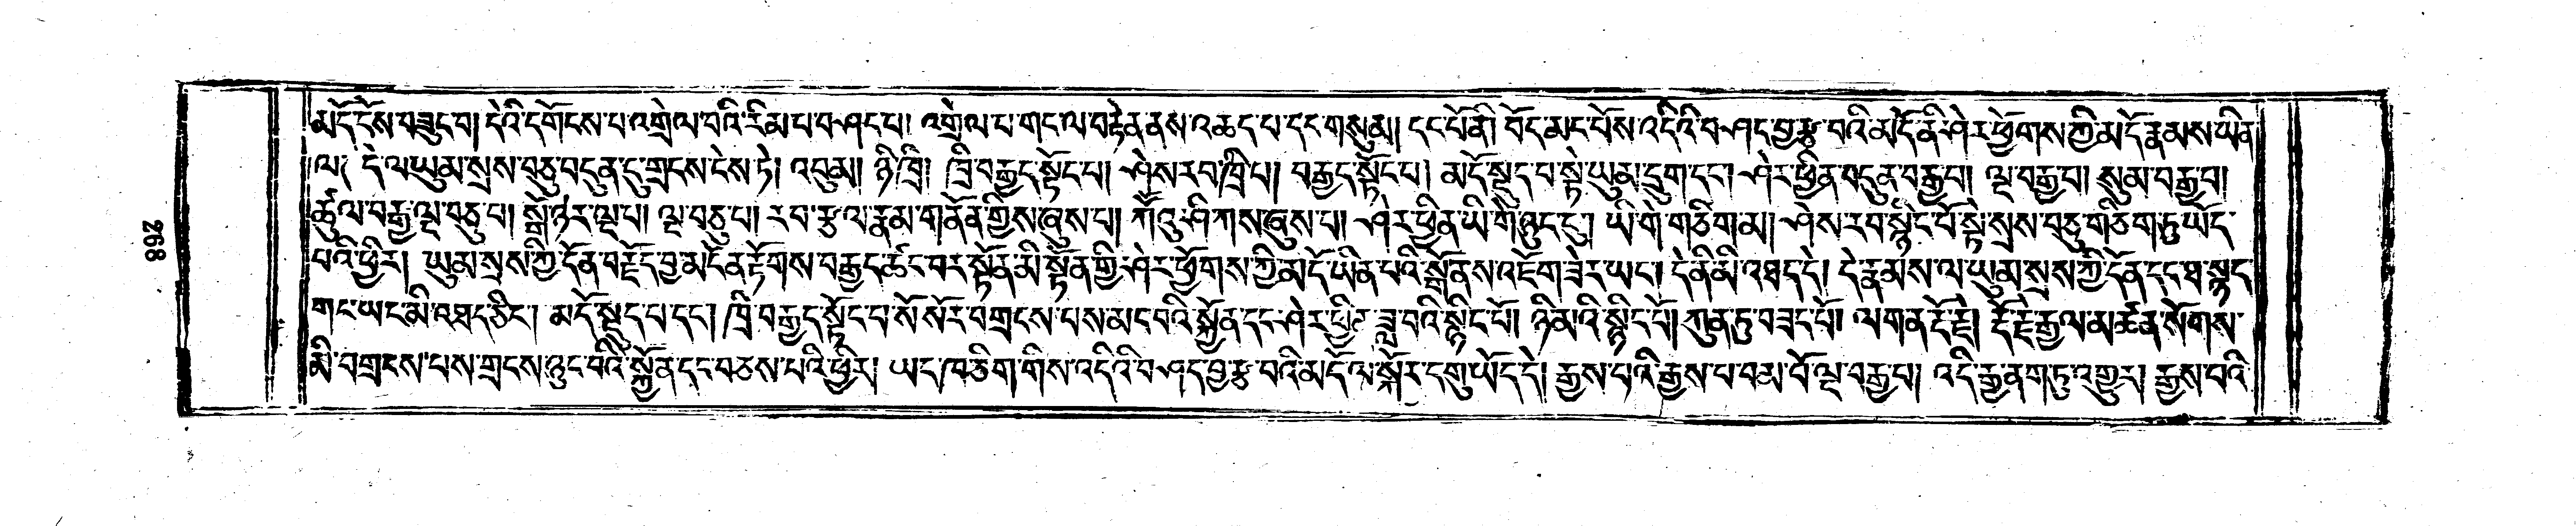མདོ་ངོས་བཟུང་བ། དེའི་དགོངས་པ་འགྲེལ་བའི་རིམ་པ་བཤད་པ། འགྲེལ་པ་གང་ལ་བརྟེན་ནས་འཆད་པ་དང་གསུམ། དང་པོ་ནི། བོད་མང་པོས་འདིའི་བཤད་བྱ་རྩ་བའི་མདོ་ནི་ཤེར་ཕྱོགས་ཀྱི་མདོ་རྣམས་ཡིན་
ལ༑ དེ་ལ་ཡུམ་སྲས་བཅུ་བདུན་དུ་གྲངས་ངེས་ཏེ། འབུམ། ཉི་ཁྲི། ཁྲི་བརྒྱད་སྟོང་པ། ཤེས་རབ་ཁྲི་པ། བརྒྱད་སྟོང་པ། མདོ་སྡུད་པ་སྟེ་ཡུམ་དྲུག་དང་། ཤེར་ཕྱིན་བདུན་བརྒྱ་པ། ལྔ་བརྒྱ་པ། སུམ་བརྒྱ་པ།
ཚུལ་བརྒྱ་ལྔ་བཅུ་པ། སྒོ་ཉེར་ལྔ་པ། ལྔ་བཅུ་པ་རབ་རྩལ་རྣམ་གནོན་གྱིས་ཞུས་པ། ཀོའུ་ཤི་ཀས་ཞུས་པ། ཤེར་ཕྱིན་ཡི་གེ་ཉུང་དུ། ཡི་གེ་གཅིག་མ། ཤེས་རབ་སྙིང་པོ་སྟེ་སྲས་བཅུ་གཅིག་ཏུ་ཡོད་
པའི་ཕྱིར། ཡུམ་སྲས་ཀྱི་དོན་བརྗོད་བྱ་མངོན་རྟོགས་བརྒྱད་ཆང་བར་སྟོན་མི་སྟོན་གྱི་ཤེར་ཕྱོགས་ཀྱི་མདོ་ཡིན་པའི་སྒོ་ནས་འཇོག་ཟེར་ཡང་། དེ་ནི་མི་འཐད་དོ། དེ་རྣམས་ལ་ཡུམ་སྲས་ཀྱི་དོན་དང་ཐ་སྙད་
གང་ཡང་མི་འཐད་ཅིང་། མདོ་སྡུད་པ་དང་། ཁྲི་བརྒྱད་སྟོང་པ་སོ་སོར་བགྲངས་པས་མང་བའི་སྐྱོན་དང་ཤེར་ཕྱིན་ཟླ་བའི་སྙིང་པོ༑ ཉི་མའི་སྙིང་པོ། ཀུན་ཏུ་བཟང་པོ། ལག་ན་རྡོ་རྗེ། རྡོ་རྗེ་རྒྱལ་མཚན་སོགས་
མ་བགྲངས་པས་གྲངས་ཉུང་བའི་སྐྱོན་དང་བཅས་པའི་ཕྱིར། ཡང་ཁ་ཅིག་གིས་འདིའི་བཤད་བྱ་རྩ་བའི་མདོ་ལ་སྐོར་དགུ་ཡོད་དེ། རྒྱས་པའི་རྒྱས་པ་བམ་པོ་ལྔ་བརྒྱ་པ། འདི་རྒྱ་ནག་ཏུ་འགྱུར། རྒྱས་པའི་